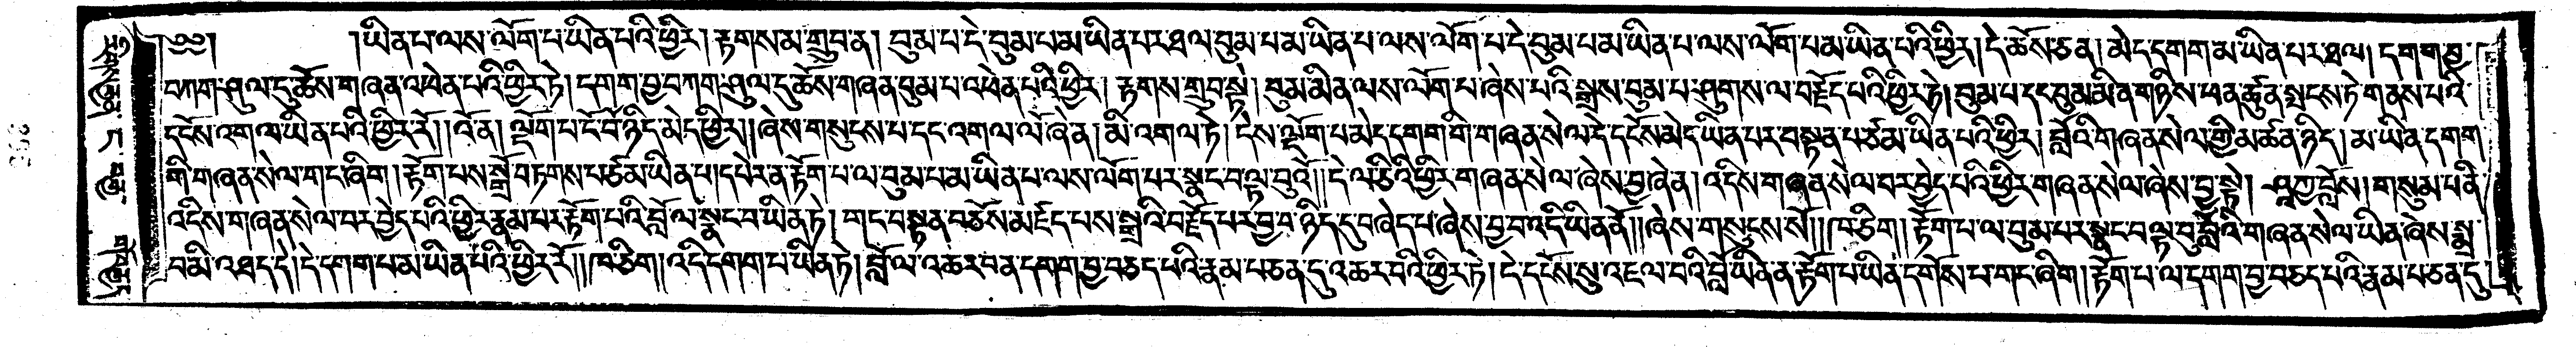༄༅། །ཡིན་པ་ལས་ལོག་པ་ཡིན་པའི་ཕྱིར། རྟགས་མ་གྲུབ་ན། བུམ་པ་དེ་བུམ་པ་མ་ཡིན་པར་ཐལ་བུམ་པ་མ་ཡིན་པ་ལས་ལོག་པ་དེ་བུམ་པ་མ་ཡིན་པ་ལས་ལོག་པ་མ་ཡིན་པའི་ཕྱིར། དེ་ཆོས་ཅན། མེད་དགག་མ་ཡིན་པར་ཐལ། དགག་བྱ་
བཀག་ཤུལ་དུ་ཆོས་གཞན་འཕེན་པའི་ཕྱིར་ཏེ། དགག་བྱ་བཀག་ཤུལ་དུ་ཆོས་གཞན་བུམ་པ་འཕེན་པའི་ཕྱིར། རྟགས་གྲུབ་སྟེ། བུམ་མིན་ལས་ལོག་པ་ཞེས་པའི་སྒྲས་བུམ་པ་ཤུགས་ལ་བརྗོད་པའི་ཕྱིར་ཏེ། བུམ་པ་དང་བུམ་མིན་གཉིས་ཕན་ཚུན་སྤངས་ཏེ་གནས་པའི་
དངོས་འགལ་ཡིན་པའི་ཕྱིར་རོ། །འོ་ན། ལྡོག་པ་ངོ་བོ་ཉིད་མེད་ཕྱིར། །ཞེས་གསུངས་པ་དང་འགལ་ལོ་ཞེ་ན། མི་འགལ་ཏེ། དེས་ལྡོག་པ་མེད་དགག་གི་གཞན་སེལ་དེ་དངོས་མེད་ཡིན་པར་བསྟན་པ་ཙམ་ཡིན་པའི་ཕྱིར། བློའི་གཞན་སེལ་གྱི་མཚན་ཉིད། མ་ཡིན་དགག་
གི་གཞན་སེལ་གང་ཞིག །རྟོག་པས་སྒྲོ་བཏགས་པ་ཙམ་ཡིན་པ། དཔེར་ན་རྟོག་པ་ལ་བུམ་པ་མ་ཡིན་པ་ལས་ལོག་པར་སྣང་བ་ལྟ་བུའོ། །དེ་ལ་ཅིའི་ཕྱིར་གཞན་སེལ་ཞེས་བྱ་ཞེ་ན། འདིས་གཞན་སེལ་བར་བྱེད་པའི་ཕྱིར་གཞན་སེལ་ཞེས་བྱ་སྟེ། ཤཱཀྱ་བློས། གསུམ་པ་ནི།
འདིས་གཞན་སེལ་བར་བྱེད་པའི་ཕྱིར་རྣམ་པར་རྟོག་པའི་བློ་ལ་སྣང་བ་ཡིན་ཏེ། གང་བསྟན་བཅོས་མཛད་པས་སྒྲའི་བརྗོད་པར་བྱ་བ་ཉིད་དུ་བཞེད་པ་ཞེས་བྱ་བ་འདི་ཡིན་ནོ། །ཞེས་གསུངས་སོ། །ཁ་ཅིག །རྟོག་པ་ལ་བུམ་པར་སྣང་བ་ལྟ་བུ་བློའི་གཞན་སེལ་ཡིན་ཞེས་སྨྲ་
བ་མི་འཐད་དེ། དགག་པ་མ་ཡིན་པའི་ཕྱིར་རོ། །ཁ་ཅིག །འདི་དགག་པ་ཡིན་ཏེ། བློ་ལ་འཆར་བ་ན་དགག་བྱ་བཅད་པའི་རྣམ་པ་ཅན་དུ་འཆར་བའི་ཕྱིར་ཏེ། དེ་དངོས་སུ་འཇལ་བའི་བློ་ཡིན་ན་རྟོག་པ་ཡིན་དགོས་པ་གང་ཞིག །རྟོག་པ་ལ་དགག་བྱ་བཅད་པའི་རྣམ་པ་ཅན་དུ་